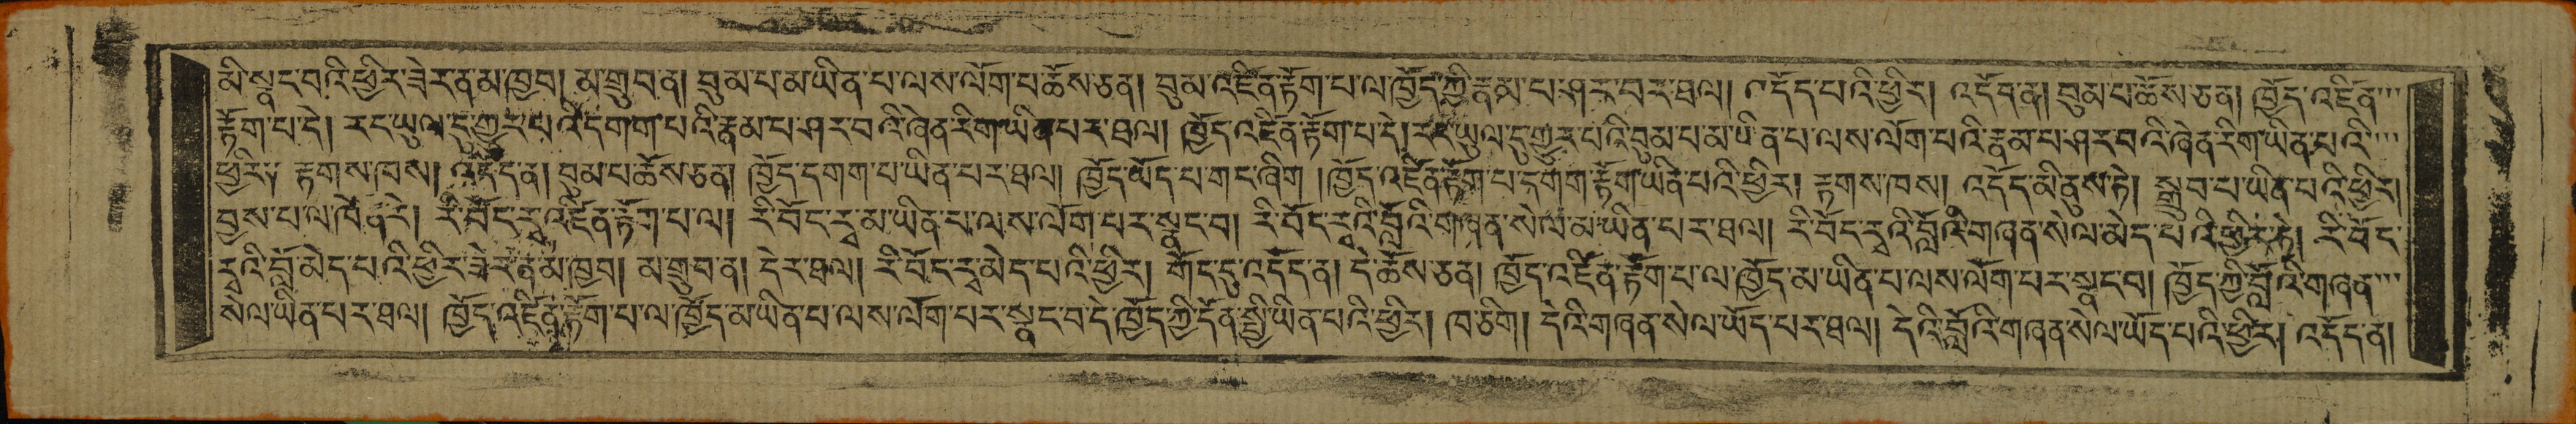མི་སྣང་བའི་ཕྱིར་ཟེར་ན་མ་ཁྱབ། མ་གྲུབ་ན། བུམ་པ་མ་ཡིན་པ་ལས་ལོག་པ་ཆོས་ཅན། བུམ་འཛིན་རྟོག་པ་ལ་ཁྱོད་ཀྱི་རྣམ་པ་ཤར་བར་ཐལ། འདོད་པའི་ཕྱིར། འདོད་ན། བུམ་པ་ཆོས་ཅན། ཁྱོད་འཛིན་
རྟོག་པ་དེ། རང་ཡུལ་དུ་གྱུར་པའི་དགག་པའི་རྣམ་པ་ཤར་བའི་ཞེན་རིག་ཡིན་པར་ཐལ། ཁྱོད་འཛིན་རྟོག་པ་དེ། རང་ཡུལ་དུ་གྱུར་པའི་བུམ་པ་མ་ཡིན་པ་ལས་ལོག་པའི་རྣམ་པ་ཤར་བའི་ཞེན་རིག་ཡིན་པའི་
ཕྱིར༑ རྟགས་ཁས། འདོད་ན། བུམ་པ་ཆོས་ཅན། ཁྱོད་དགག་པ་ཡིན་པར་ཐལ། ཁྱོད་ཡོད་པ་གང་ཞིག །ཁྱོད་འཛིན་རྟོག་པ་དགག་རྟོག་ཡིན་པའི་ཕྱིར། རྟགས་ཁས། འདོད་མི་ནུས་ཏེ། སྒྲུབ་པ་ཡིན་པའི་ཕྱིར།
བྱས་པ་ལ་ཁོ་ན་རེ། རི་བོང་རྭ་འཛིན་རྟོག་པ་ལ། རི་བོང་རྭ་མ་ཡིན་པ་ལས་ལོག་པར་སྣང་བ། རི་བོང་རྭའི་བློའི་གཞན་སེལ་མ་ཡིན་པར་ཐལ། རི་བོང་རྭའི་བློའི་གཞན་སེལ་མེད་པའི་ཕྱིར་ཏེ། རི་བོང་
རྭའི་བློ་མེད་པའི་ཕྱིར་ཟེར་ན་མ་ཁྱབ། མ་གྲུབ་ན། དེར་ཐལ། རི་བོང་རྭ་མེད་པའི་ཕྱིར། གོང་དུ་འདོད་ན། དེ་ཆོས་ཅན། ཁྱོད་འཛིན་རྟོག་པ་ལ་ཁྱོད་མ་ཡིན་པ་ལས་ལོག་པར་སྣང་བ། ཁྱོད་ཀྱི་བློའི་གཞན་
སེལ་ཡིན་པར་ཐལ། ཁྱོད་འཛིན་རྟོག་པ་ལ་ཁྱོད་མ་ཡིན་པ་ལས་ལོག་པར་སྣང་བ་དེ་ཁྱོད་ཀྱི་དོན་སྤྱི་ཡིན་པའི་ཕྱིར། ཁ་ཅིག །དེའི་གཞན་སེལ་ཡོད་པར་ཐལ། རེའི་བློའི་གཞན་སེལ་ཡོད་པའི་ཕྱིར། འདོད་ན།